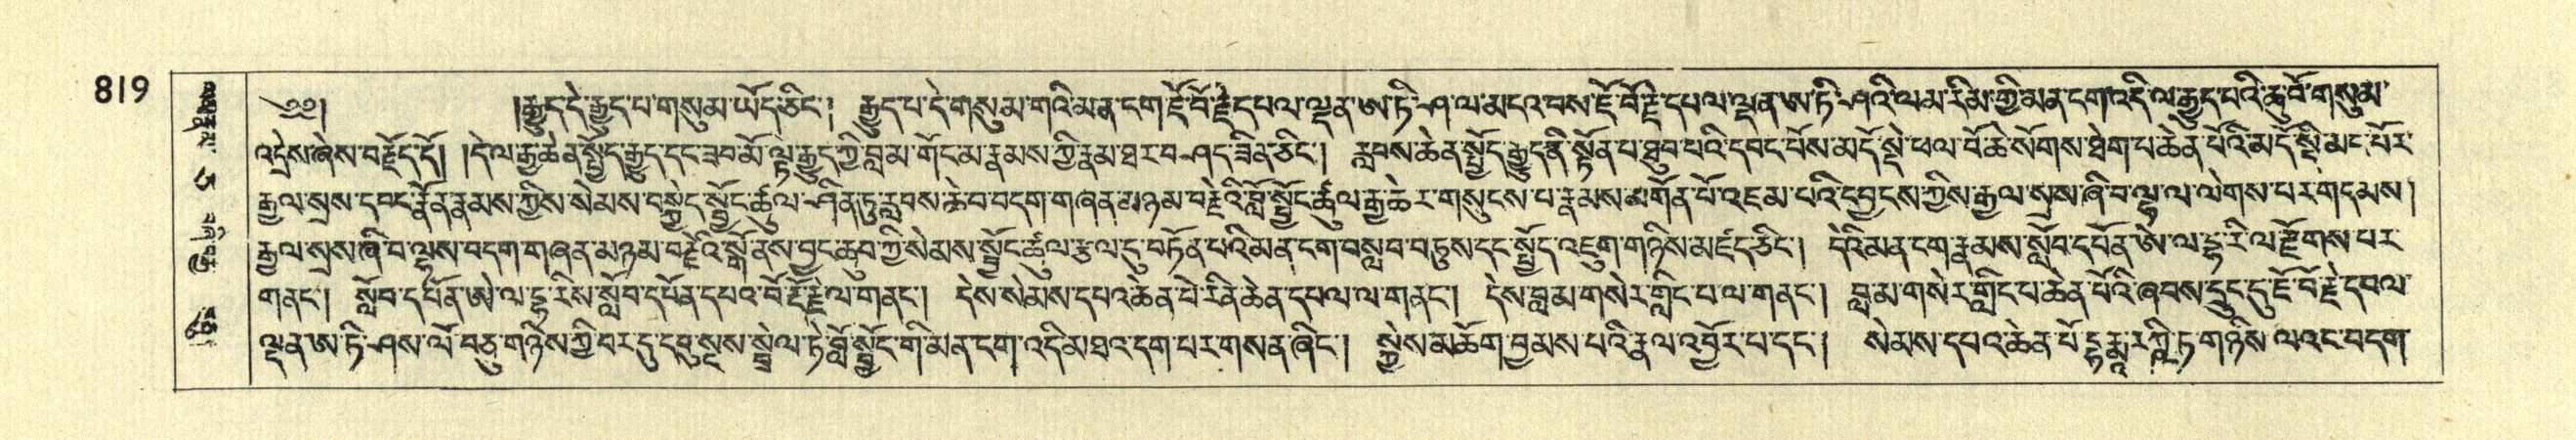༄༅། །རྒྱུད་དེ་རྒྱུད་པ་གསུམ་ཡོད་ཅིང་། རྒྱུད་པ་དེ་གསུམ་གའི་མན་ངག་ཇོ་བོ་རྗེ་དཔལ་ལྡན་ཨ་ཏི་ཤ་ལ་མངའ་བས་ཇོ་བོ་རྗེ་དཔལ་ལྡན་ཨ་ཏི་ཤའི་ལམ་རིམ་གྱི་མན་ངག་འདི་ལ་རྒྱུད་པའི་ཆུ་བོ་གསུམ་
འདྲེས་ཞེས་བརྗོད་དོ། །དེ་ལ་རྒྱ་ཆེན་སྤྱོད་རྒྱུད་དང་ཟབ་མོ་ལྟེ་རྒྱུད་ཀྱི་བླ་མ་གོང་མ་རྣམས་ཀྱི་རྣམ་ཐར་བཤད་ཟིན་ཅིང་། རླབས་ཆེན་སྤྱོད་རྒྱུད་ནི་སྟོན་པ་ཐུབ་པའི་དབང་པོས་མདོ་སྡེ་ཕལ་བོ་ཆེ་སོགས་ཐེག་པ་ཆེན་པོའི་མདོ་སྡི་མང་པོར་
རྒྱལ་སྲས་དབང་རྣོན་རྣམས་ཀྱིས་སེམས་བསྐྱེད་སྦྱོང་ཚུལ་ཤིན་ཏུ་རླབས་ཆེ་བ་བདག་གཞན་མཉམ་བརྗེའི་བློ་སྦྱོང་ཚུལ་རྒྱ་ཆེར་གསུངས་པ་རྣམས་མགོན་པོ་འཇམ་པའི་དབྱངས་ཀྱིས་རྒྱལ་སྲས་ཞི་བ་ལྷ་ལ་ལེགས་པར་གདམས།
རྒྱལ་སྲས་ཞི་བ་ལྷས་བདག་གཞན་མཉམ་བརྗེའི་སྒོ་ནས་བྱང་ཆུབ་ཀྱི་སེམས་སྦྱོང་ཚུལ་རྩལ་དུ་བཏོན་པའི་མན་ངག་བསླབ་བཏུས་དང་སྤྱོད་འཇུག་གཉིས་མཛད་ཅིང་། དེའི་མན་ངག་རྣམས་སློབ་དཔོན་ཨེ་ལ་དྷ་རི་ལ་རྫོགས་པར་
གནང་། སློབ་དཔོན་ཨེ་ལ་དྷ་རིས་སློབ་དཔོན་དཔའ་བོ་རྡོ་རྗེ་ལ་གནང་། དེས་སེམས་དཔའ་ཆེན་པོ་རིན་ཆེན་དཔལ་ལ་གནང་། དེས་བླ་མ་གསེར་གླིང་པ་ལ་གནང་། བླ་མ་གསེར་གླིང་པ་ཆེན་པོའི་ཞབས་དྲུང་དུ་ཇོ་བོ་རྗེ་དཔལ་
ལྡན་ཨ་ཏི་ཤས་ལོ་བཅུ་གཉིས་ཀྱི་བར་དུ་དབུ་སྔས་སྦྲེལ་ཏེ་བློ་སྦྱོང་གི་མན་ངག་འདི་མཐའ་དག་པར་གསན་ཞིང་། སྐྱེས་མཆོག་བྱམས་པའི་རྣལ་འབྱོར་པ་དང་། སེམས་དཔའ་ཆེན་པོ་དྷརྨཱ་རཀྵི་ཏ་གཉིས་ལའང་བདག་